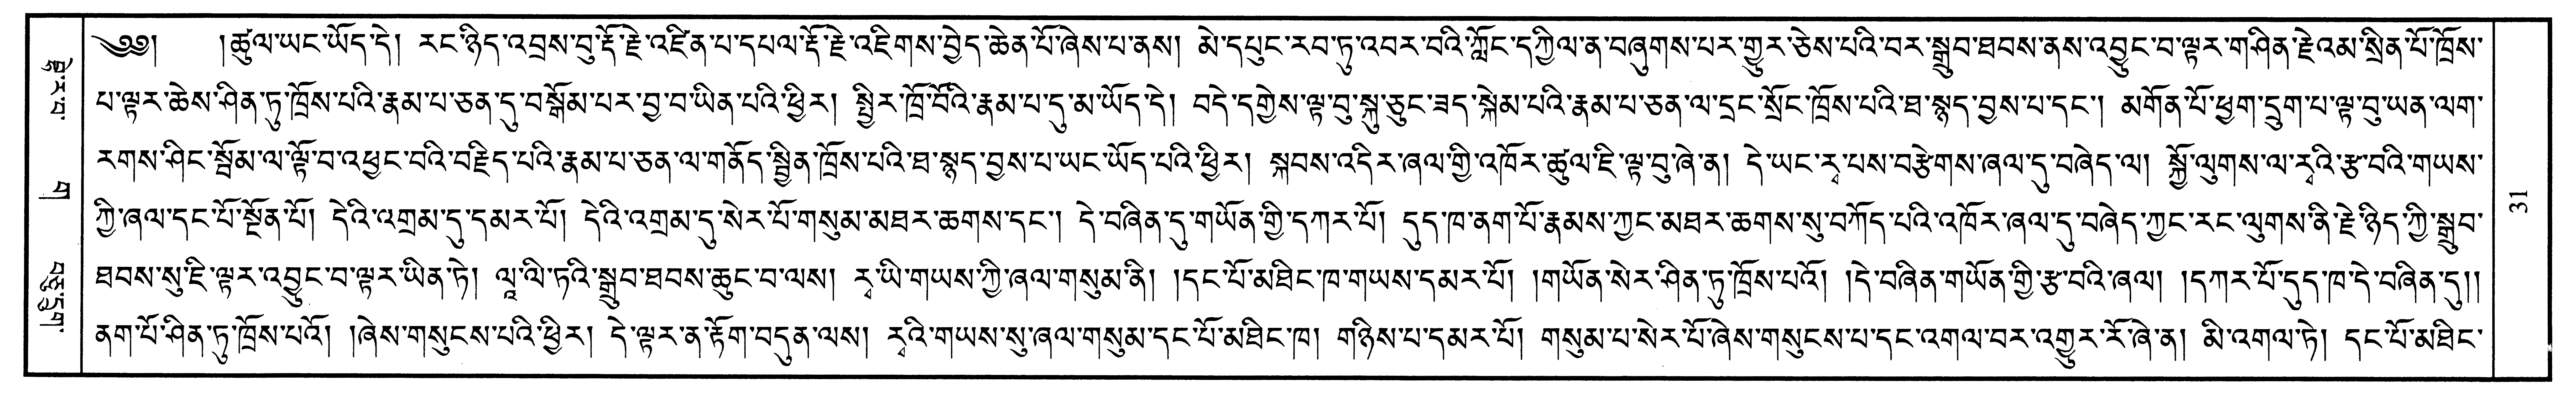༄༅། །ཚུལ་ཡང་ཡོད་དེ། རང་ཉིད་འབྲས་བུ་རྡོ་རྗེ་འཛིན་པ་དཔལ་རྡོ་རྗེ་འཇིགས་བྱེད་ཆེན་པོ་ཞེས་པ་ནས། མེ་དཔུང་རབ་ཏུ་འབར་བའི་ཀློང་དཀྱིལ་ན་བཞུགས་པར་གྱུར་ཅེས་པའི་བར་སྒྲུབ་ཐབས་ནས་འབྱུང་བ་ལྟར་གཤིན་རྗེའམ་སྲིན་པོ་ཁྲོས་
པ་ལྟར་ཆེས་ཤིན་ཏུ་ཁྲོས་པའི་རྣམ་པ་ཅན་དུ་བསྒོམ་པར་བྱ་བ་ཡིན་པའི་ཕྱིར། སྤྱིར་ཁྲོ་བོའི་རྣམ་པ་དུ་མ་ཡོད་དེ། བདེ་དགྱེས་ལྟ་བུ་སྐུ་ཅུང་ཟད་སྐེམ་པའི་རྣམ་པ་ཅན་ལ་དྲང་སྲོང་ཁྲོས་པའི་ཐ་སྙད་བྱས་པ་དང་། མགོན་པོ་ཕྱག་དྲུག་པ་ལྟ་བུ་ཡན་ལག་
རགས་ཤིང་སྦོམ་ལ་ལྟོ་བ་འཕྱང་བའི་བརྗིད་པའི་རྣམ་པ་ཅན་ལ་གནོད་སྦྱིན་ཁྲོས་པའི་ཐ་སྙད་བྱས་པ་ཡང་ཡོད་པའི་ཕྱིར། སྐབས་འདིར་ཞལ་གྱི་འཁོར་ཚུལ་ཇི་ལྟ་བུ་ཞེ་ན། དེ་ཡང་རྭ་པས་བརྩེགས་ཞལ་དུ་བཞེད་ལ། སྐྱོ་ལུགས་ལ་རྭའི་རྩ་བའི་གཡས་
ཀྱི་ཞལ་དང་པོ་སྔོན་པོ། དེའི་འགྲམ་དུ་དམར་པོ། དེའི་འགྲམ་དུ་སེར་པོ་གསུམ་མཐར་ཆགས་དང་། དེའི་བཞིན་དུ་གཡོན་གྱི་དཀར་པོ། དུད་ཁ་ནག་པོ་རྣམས་ཀྱང་མཐར་ཆགས་སུ་བཀོད་པའི་འཁོར་ཞལ་དུ་བཞེད་ཀྱང་རང་ལུགས་ནི་རྗེ་ཉིད་ཀྱི་སྒྲུབ་
ཐབས་སུ་ཇི་ལྟར་འབྱུང་བ་ལྟར་ཡིན་ཏེ། ལཱ་ལི་ཏའི་སྒྲུབ་ཐབས་ཆུང་བ་ལས། རྭ་ཡི་གཡས་ཀྱི་ཞལ་གསུམ་ནི། །དང་པོ་མཐིང་ཁ་གཡས་དམར་པོ། །གཡོན་སེར་ཤིན་ཏུ་ཁྲོས་པའོ། །དེ་བཞིན་གཡོན་གྱི་རྩ་བའི་ཞལ། །དཀར་པོ་དུད་ཁ་དེ་བཞིན་དུ།།
ནག་པོ་ཤིན་ཏུ་ཁྲོས་པའོ། །ཞེས་གསུངས་པའི་ཕྱིར། དེ་ལྟར་ན་རྟོག་བདུན་ལས། རྭའི་གཡས་སུ་ཞལ་གསུམ་དང་པོ་མཐིང་ཁ། གཉིས་པ་དམར་པོ། གསུམ་པ་སེར་པོ་ཞེས་གསུངས་པ་དང་འགལ་བར་འགྱུར་རོ་ཞེ་ན། མི་འགལ་ཏེ། དང་པོ་མཐིང་